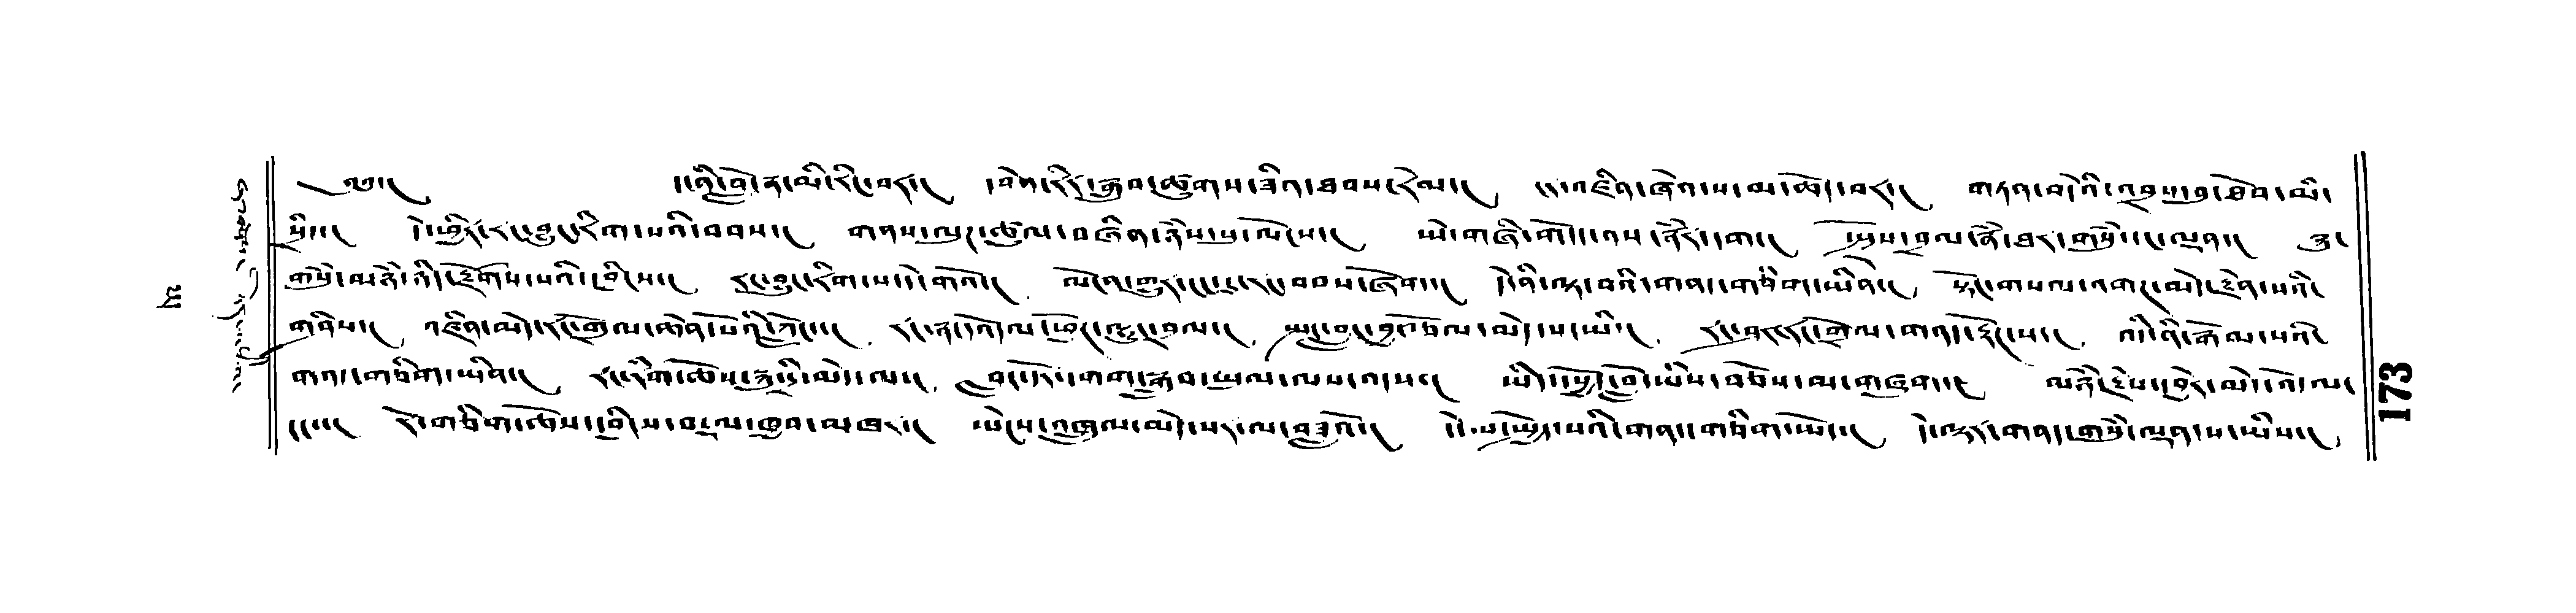།ད་ནི་བློ་སྣ་མི་རིང་བར། །དབེན་རིར་སྒྲུབ་ཚུགས་ཟིན་ཐབས་རེམ། །ངར་འཛིན་ཞེན་པ་མ་ཆོད་བར། །གཏན་བདེའི་འབྲས་བུ་ཐོབ་མི་
སྲིད། །དེ་ཕྱིར་རང་བྱུང་རིག་པའི་བབས། །གནས་ལུགས་ཚུལ་བཞིན་ཉམས་སུ་ལོངས། །ཡེ་གཞི་གདོད་ནས་རྣམ་པར་དག།སྤྲོས་བྲལ་རྣམ་ཐར་གསུམ་དང་ལྡན། །སྐུ་
གསུམ་མཉམ་ཉིད་རྫོགས་པའི་དབྱིངས། །རང་བྱུང་རིག་པ་དེ་གའོ། །མངོན་གྱུར་ངང་དུ་རང་བབས་ཞོག །དེ་ནི་ལྟ་བའི་གནད་གཅིག་ཡིན། །སྟོང་གསལ་འགག་མེད་རྗེན་པའི་
གཤིས། །འཛིན་མེད་རང་གྲོལ་ཆེན་པོའི་ཀློང་། །རང་སྣང་འོད་གསལ་ཕྱོགས་ལྷུང་བྲལ། །སྤང་བླང་བྱ་རྩོལ་མེད་པ་ཡི། །རང་ཤར་རང་གྲོལ་གནད་རྟོགས་པ། །འདི་ནི་སྒོམ་པའི་
གནད་གཅིག་ཡིན། །རང་རིག་ཆོས་སྐུ་དྲི་མེད་ལ། །བླང་དོར་དགག་སྒྲུབ་ཡུལ་ལས་འདས། །ཡིད་དཔྱོད་བློ་ཡིས་བཅོས་མ་གཞུག །མཉམ་རྗེས་དབྱེར་མེད་འོད་གསལ་
ངང་། །རོ་གཅིག་ཆོས་དབྱིངས་བརྡལ་ཁྱབ་མཁར། །ཡེངས་འཁྲུལ་མེད་པར་ལ་བཟླའོ། །དེ་ལ་སྤྱོད་པའི་གནད་གཅིག་ཡོད། །དེ་ལྟར་གནད་གསུམ་ལྡན་པ་ཡིས།